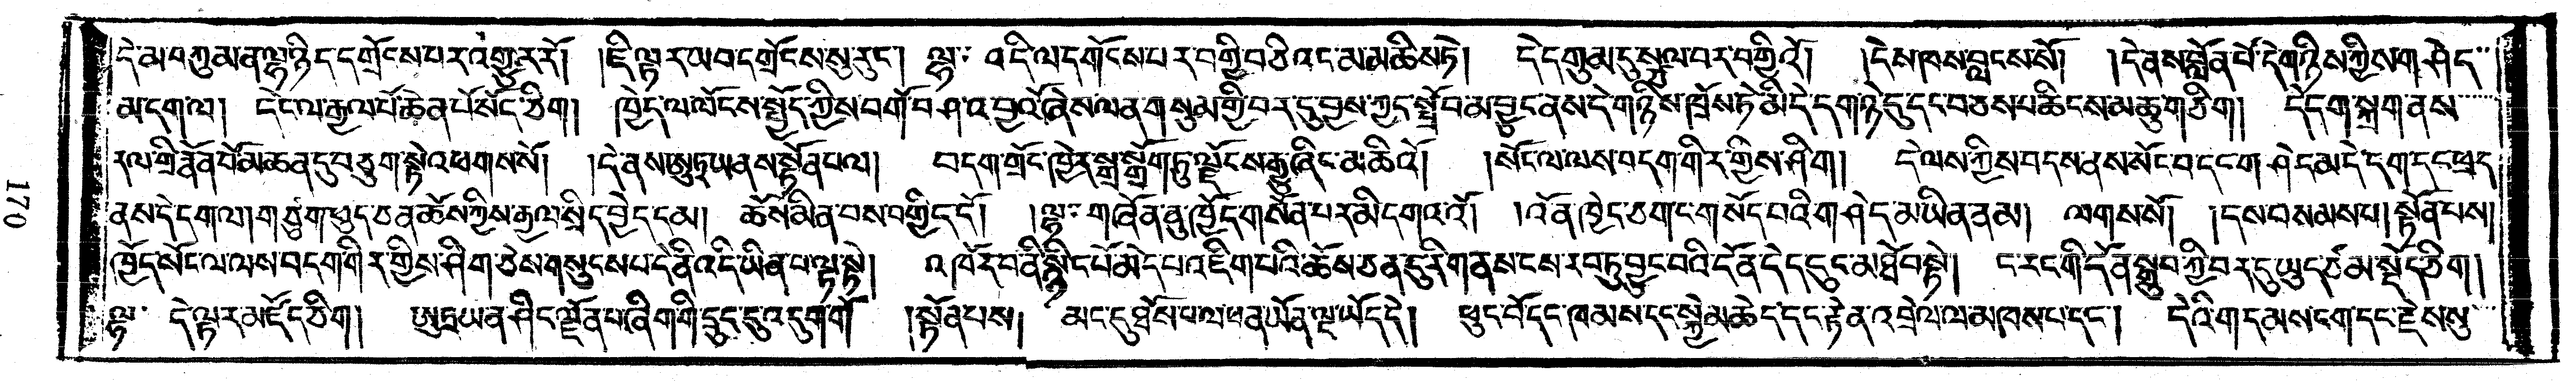དེ་མ་བཀུམ་ན་ལྷ་ཉིད་དགྲོངས་པར་འགྱུར་རོ། །ཇི་ལྟར་ཡབ་དགྲོངས་སུ་རུང་། ལྷ་འདི་ལ་དགོངས་པར་བགྱི་བཅིའང་མ་མཆིས་ཏེ། དེ་དགུམ་དུ་སྩལ་བར་བགྱིའོ། །དེས་ཁས་བླངས་སོ། །དེ་ནས་བློན་པོ་དེ་གཉིས་ཀྱིས་གཤེད་
མ་དག་ལ། དེང་ལ་རྒྱལ་པོ་ཆེན་པོ་སོད་ཅིག། ཁྱེད་ལ་ལོངས་སྤྱོད་ཀྱིས་བགོ་བཤ་འ་བྱའོ་ཞེས་ལན་གསུམ་གྱི་བར་དུ་བྱས་ཀྱང་སྤྲོ་བ་མ་བྱུང་ནས་དེ་གཉིས་ཁྲོས་ཏེ་མི་དེ་དག་ཉེ་དུ་དང་བཅས་པ་ཆིངས་མཆུ་གཅིག། དེ་དག་སྐྲག་ནས་
རལ་གྲི་རྣོན་པོ་མཆན་དུ་བཅུག་སྟེ་འཕགས་སོ། །དེ་ནས་ཨུཏྲ་ཡན་ས་སྟོན་པ་ལ། བདག་གྲོང་ཁྱེར་སྒྲ་སྒྲོག་ཏུ་ལྗོངས་རྒྱུ་ཞིང་མཆིའོ། །སོང་ལ་ལས་བདག་གིར་གྱིས་ཤིག། དེ་ལས་ཀྱིས་བདས་ནས་སོང་བ་དང་གཤེད་མ་དེ་དག་དང་ཕྲད་
ནས་དེ་དག་ལ། གཙུག་ཕུད་ཅན་ཆོས་ཀྱིས་རྒྱལ་སྲིད་བྱེད་དམ། ཆོས་མིན་པས་བགྱིད་དོ། །ལྷ་གཞོན་ནུ་ཁྱོད་གསོན་པར་མི་དགའ་འོ། །འོ་ན་ཁྱེད་ཅག་ང་གསོད་པའི་གཤེད་མ་ཡིན་ནམ། ལགས་སོ། །དས་བསམས་པ། སྟོན་པས།
ཁྱོད་སོང་ལ་ལས་བདག་གིར་གྱིས་ཤིག་ཅེས་གསུངས་པ་དེ་ནི་འདི་ཡིན་པ་ལྟ་སྟེ། འཁོར་བ་ནི་སྙིང་པོ་མེད་པ་འཇིག་པའི་ཆོས་ཅན་དུ་རིག་ནས་ངས་རབ་ཏུ་བྱུང་བའི་དོན་དེད་དུང་མཐོབ་སྟེ། ང་རང་གི་དོན་སྒྲུབ་ཀྱི་བར་དུ་ཡུད་ཙམ་སྡོད་ཅིག།
ལྷ་དེ་ལྟར་མཛོད་ཅིག། ཨུཏྲ་ཡ་ན་ཤིང་ལྗོན་པ་ཞིག་གི་དྲུང་དུ་འདུག་གོ །སྟོན་པས། མང་དུ་ཐོས་པ་ལ་ཕན་ཡོན་ལྔ་ཡོད་དེ། ཕུང་བོ་དང་ཁམས་དང་སྐྱེ་མཆེད་དང་རྟེན་འབྲེལ་ལ་མཁས་པ་དང་། དེའི་གདམས་ངག་དང་རྗེས་སུ་